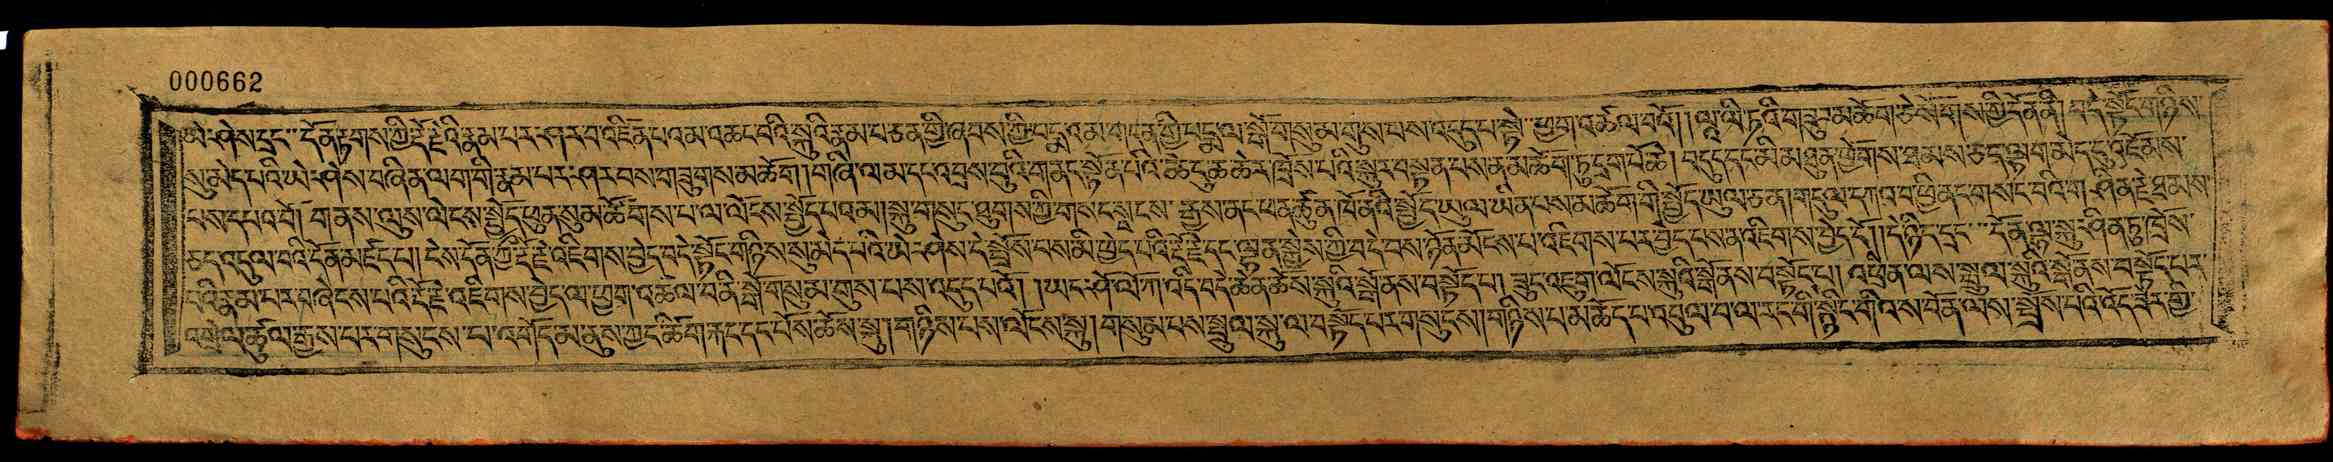ཡེ་ཤེས་དྲངས་དོན་རྟགས་ཀྱི་རྡོ་རྗེའི་རྣམ་པར་ཤར་བ་འཛིན་པའམ་འཆང་བའི་སྐུའི་རྣམ་པ་ཅན་གྱི་ཞབས་ཀྱི་པདམ་འམ་གདན་གྱི་པདམ་ལ་སྒོ་གསུམ་གུས་པས་འདུད་པ་སྟེ་ཕྱག་འཚལ་བའོ། །ལཱ་ལི་ཏའི་གཟུགས་མཆོག་ཅེ་སོགས་ཀྱི་དོན་ནི། བདེ་སྟོང་གཉིས་
སུ་མེད་པའི་ཡེ་ཤེས་བཞིན་ལག་གི་རྣམ་པར་ཤར་བས་གཟུགས་མཆོག །གཞི་ལམ་དང་འབྲས་བུའི་གནད་སྟོན་པའི་ཆེད་དུ་ཆེ་ཆེར་ཁྲོས་པའི་སྐུར་བསྟན་པས་ན་མཆོག་ཏུ་དྲག་པོ་ཆེ། བདུད་དང་མི་མཐུན་ཕྱོགས་ཐམས་ཅད་ལྷག་མེད་དུ་འཇོམས་
པས་དཔའ་བོ། གནས་ལུས་ལོངས་སྤྱོད་ཕུན་སུམ་ཚོགས་པ་ལ་ལོངས་སྤྱོད་པའམ། སྐུ་གསུང་ཐུགས་ཀྱི་གསང་བ་སངས་རྒྱས་ནང་ཕན་ཚུན་ཁོ་ནའི་སྤྱོད་ཡུལ་ཡིན་པས་མཆོག་གི་སྤྱོད་ཡུལ་ཅན། །གདུལ་དཀའ་བ་ཕྱི་ནང་གསང་བའི་གཤིན་རྗེ་ཐམས་
ཅད་འདུལ་བའི་དོན་མཛད་པ། ངེས་དོན་གྱི་རྡོ་རྗེ་འཇིགས་བྱེད་བདེ་སྟོང་གཉིས་སུ་མེད་པའི་ཡེ་ཤེས་དེ་སྤྲོས་པས་མི་ཕྱེད་པའི་རྡོ་རྗེ་དང་ལྷན་སྐྱེས་ཀྱི་བདེ་བས་ཉོན་མོངས་པ་འཇིགས་པར་བྱེད་པས་ན་འཇིགས་བྱེད་དོ། །དེ་ཉིད་དྲང་དོན་ལྷ་སྐུ་ཤིན་ཏུ་ཁྲོས་
པའི་རྣམ་པར་བཞེངས་པའི་རྡོ་རྗེ་འཇིགས་བྱེད་ལ་ཕྱག་འཚལ་བ་ནི་སྒོ་གསུམ་གུས་པས་འདུད་པའོ། །ཡང་ཤོ་ལོ་ཀ་འདི་བདེ་ཆེན་ཆོས་སྐུའི་སྒོ་ནས་བསྟོད་པ། ཟུང་འཇུག་ལོངས་སྐུའི་སྒོ་ནས་བསྟོད་པ། འཕྲིན་ལས་སྤྲུལ་སྐུའི་སྒོ་ནས་བསྟོད་པར་
འགྲེལ་ཚུལ་རྒྱས་པར་གསུངས་པ་འགོད་མ་ནུས་ཀྱང་ཚིག་རྐང་དང་པོས་ཆོས་སྐུ། གཉིས་པས་ལོངས་སྐུ། གསུམ་པས་སྤྲུལ་སྐུ་ལ་བསྟོད་པར་གསུངས། གཉིས་པ་མཆོད་པ་འབུལ་བ་ལ་རང་གི་སྙིང་གའི་ས་བོན་ལས་སྤྲོས་པའི་འོད་ཟེར་གྱི་